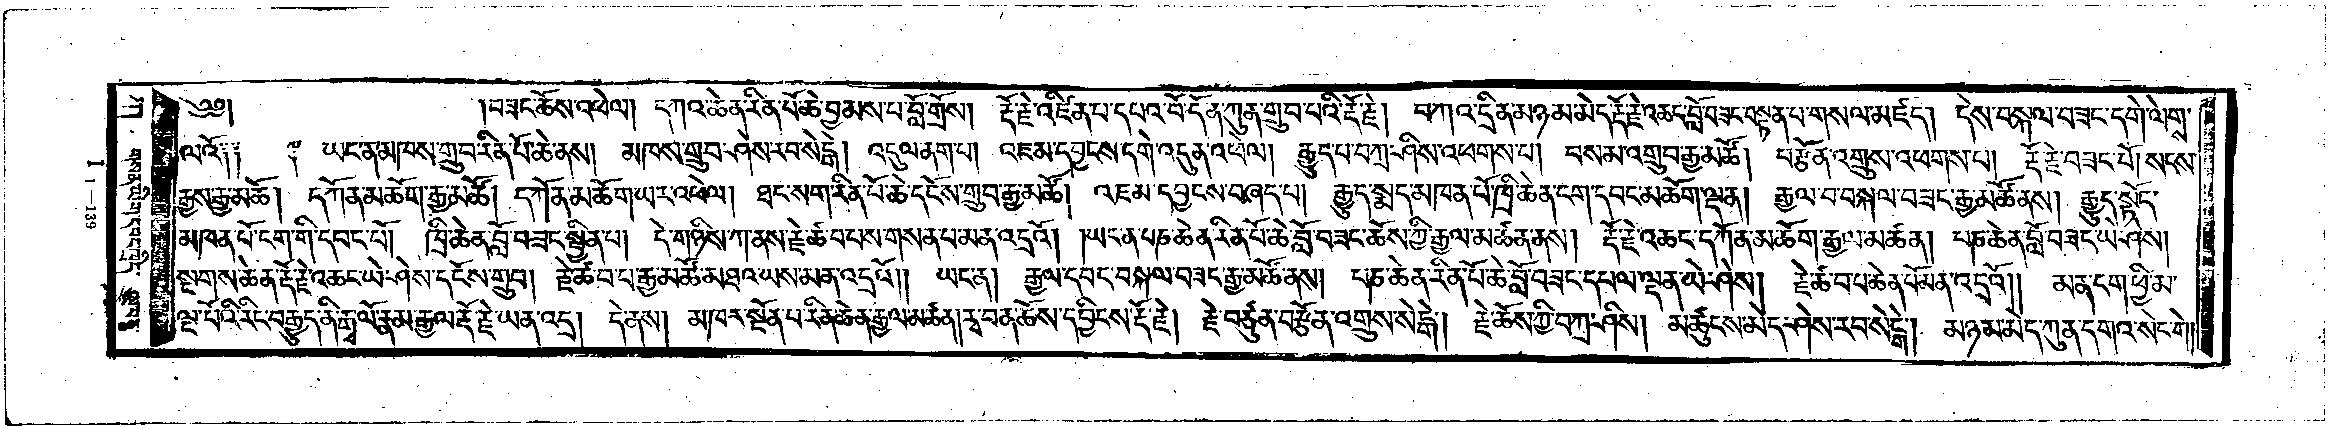༄༅། །བཟང་ཆོས་འཕེལ། དཀའ་ཆེན་རིན་པོ་ཆེ་བྱམས་པ་བློ་གྲོས། རྡོ་རྗེ་འཛིན་པ་དཔའ་བོ་དོན་ཀུན་གྲུབ་པའི་རྡོ་རྗེ། བཀའ་དྲིན་མཉམ་མེད་རྗེ་རྗེ་འཆང་བློ་བཟང་བསྟན་པ་གསལ་མཛད། དེས་བསྐལ་བཟང་དགེ་ལེགས་
ལའོ༑༑ ༈ ཡང་ན་མཁས་གྲུབ་རིན་པོ་ཆེ་ནས། མཁས་གྲུབ་ཤེས་རབ་སེངྒེ། འདུལ་ནག་པ། འཇམ་དབྱངས་དགེ་འདུན་འཕེལ། རྒྱུད་པ་བཀྲ་ཤིས་འཕགས་པ། བསམ་འགྲུབ་རྒྱ་མཚོ། བརྩོན་འགྲུས་འཕགས་པ། རྡོ་རྗེ་བཟང་པོ། སངས་
རྒྱས་རྒྱ་མཚོ། དཀོན་མཆོག་རྒྱ་མཚོ། དཀོན་མཆོག་ཡར་འཕེལ། ཐང་སག་རིན་པོ་ཆེ་དངོས་གྲུབ་རྒྱ་མཚོ། འཇམ་དབྱངས་བཞད་པ། རྒྱུད་སྨན་མཁན་པོ་ཁྲི་ཆེན་ངག་དབང་མཆོག་ལྡན། རྒྱལ་བ་བསྐལ་བཟང་རྒྱ་མྟོས་ནས། རྒྱུད་སྟོང་
མཁན་པོ་ངག་གི་དབང་པོ། ཁྲི་ཆེན་བློ་བཟང་སྦྱིན་པ། དེ་གཉིས་ཀ་ནས་རྗེ་ཚ་བ་བས་གསན་པ་མན་འདྲའོ། །ཡང་ན་པཎ་ཆེན་རིན་པོ་ཆེ་བློ་བཟང་ཆོས་ཀྱི་རྒྱལ་མཚན་ནས། རྡོ་རྗེ་འཆང་དཀོན་མཆོག་རྒྱལ་མཚན། པཎ་ཆེན་བློ་བཟང་ཡེ་ཤེས།
སྔགས་ཆེན་རྡོ་རྗེ་འཆང་ཡེ་ཤེས་དངོས་གྲུབ། རྗེ་ཚ་བ་རྒྱ་མཚོ་མཐའ་ཡས་མན་འདྲའོ། །ཡང་ན། རྒྱལ་དབང་བསྐལ་བཟང་རྒྱ་མཚོ་ནས། པཎ་ཆེན་རིན་པོ་ཆེ་བློ་བཟང་དཔལ་ལྡན་ཡེ་ཤེས། རྗེ་ཚ་བ་པ་ཆེན་པོ་མན་འདྲའོ། །མན་ངག་ཕྱི་མ་
ལྔ་པོའི་རིང་བརྒྱུད་ནི་རྒྭ་ལོ་རྣམ་རྒྱལ་རྡོ་རྗེ་ཡན་འདྲ། དེ་ནས། མཁར་སྔོན་པོ་རིན་ཆེན་རྒྱལ་མཚན། རྭ་བ་ན་ཆོས་དབྱིངས་རྡོ་རྗེ། རྗེ་བཙུན་བརྩོན་འགྲུས་སེངྒེ། རྗེ་ཆོས་ཀྱི་བཀྲ་ཤིས། མཚུངས་མེད་ཤེས་རབ་སེངྒེ། མཉམ་མེད་ཀུན་དགའ་སེང་གེ།